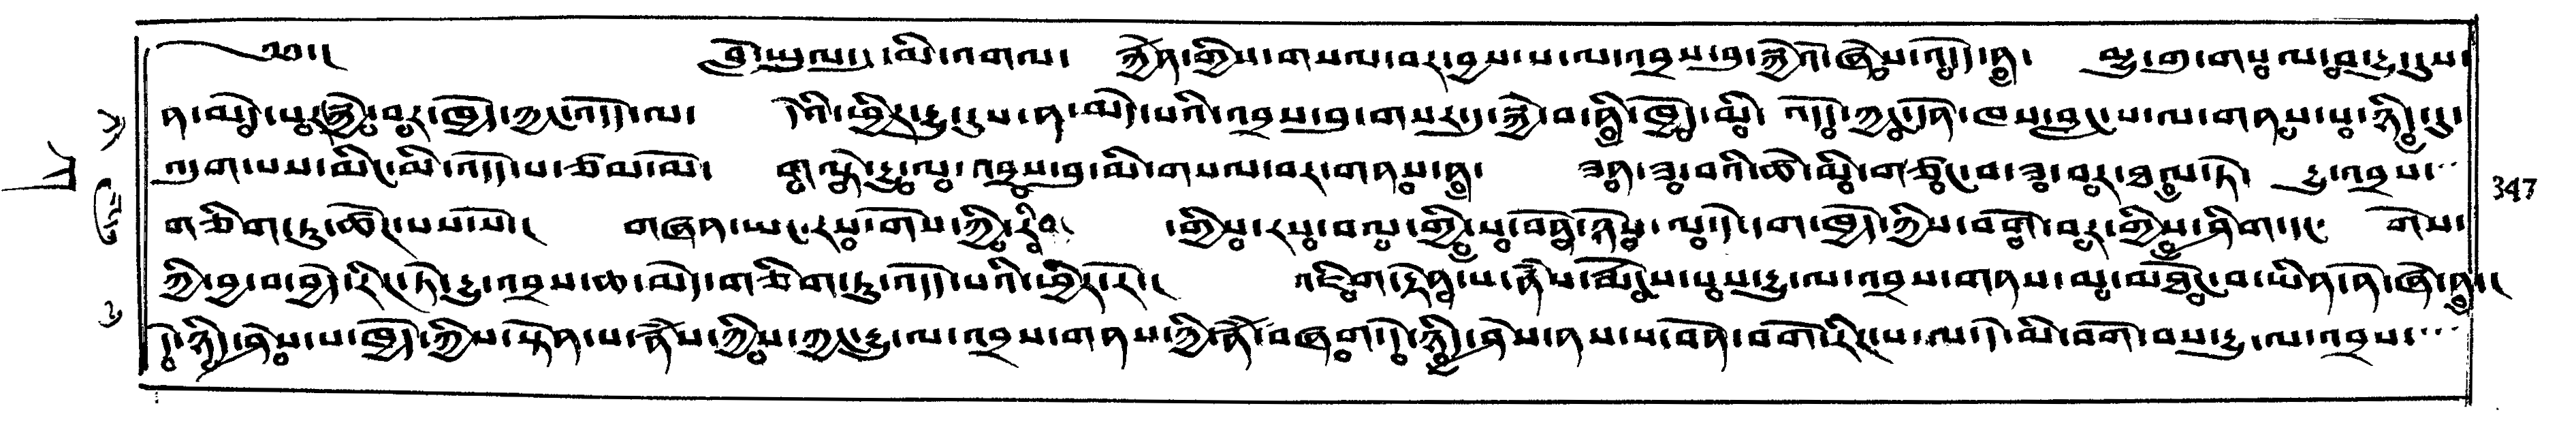བློ་ཡུལ་དུ་མི་འགལ། རྐྱེན་གྱིས་གསལ་བར་བྱས་པ་ལ་འབྲས་བུ་སྐྱེའོ་ཞེས་འདོད་ན། མྱུ་གུ་གསལ་བ་རྒྱུ་དུས་
ན་མཻད་པར་སྐྱེ་བར་ཁྱོད་ཀྱང་འདོད་ལ། དེའི་ཕྱིར་རྒྱུ་དུས་ན་མེད་པའི་འབྲས་བུ་གསར་དུ་སྐྱེ་བ་ནི་ཁྱོད་མི་འདོད་ཀྱང་དོན་ཁས་བླང་པ་ལ་གནས་པ་ཉིད་དུ་
འདུག་པས་མིང་མི་འདོད་པ་ཙམ་མོ།། གལ་ཏེ་རྒྱུ་ལ་འབྲས་བུ་མི་གསལ་བར་གནས་ན། ཟན་ཟ་བའི་ཚེ་མི་གཙང་བ་ཟ་བར་ཐལ་ཏེ། རྒྱུ་འབྲས་
གཅིག་ཏུ་ཚོགས་པས་སོ།། གཞན་ཡང་རས་གོས་ཀྱི་རིན་གྱིས་རས་བལ་གྱི་ས་བོན་ཉོས་ལ་དེ་དག་ཁྱོད་ཀྱིས་བགོ་བར་གྱིས་ཤིག་དང་། གོས་
ཀྱི་བྱ་བ་བྱེད་རིགས་ཏེ་རྒྱུ་འབྲས་ཆ་མེད་གཅིག་ཏུ་འདོད་པའི་ཕྱིར་རོ།། འཇིག་རྟེན་པ་རྣམས་རྨོངས་པས་རྒྱུ་ལ་འབྲས་གནས་མ་མཐོང་བ་ཡིན་ནོ་ཞེ་ན། 
དེ་ཉིད་ཤེས་པ་ཁྱོད་ཀྱིས་སྟོན་པ་རྣམས་ཀྱིས་ཀྱང་རྒྱུ་ལ་འབྲས་གནས་ཀྱི་རྣམ་གཞག་དེ་ཉིད་ཤེས་ནས་ས་བོན་བགོ་རིགས་པ་ལ་དེ་མི་བགོ་བས་རྒྱུ་ལ་འབྲས་